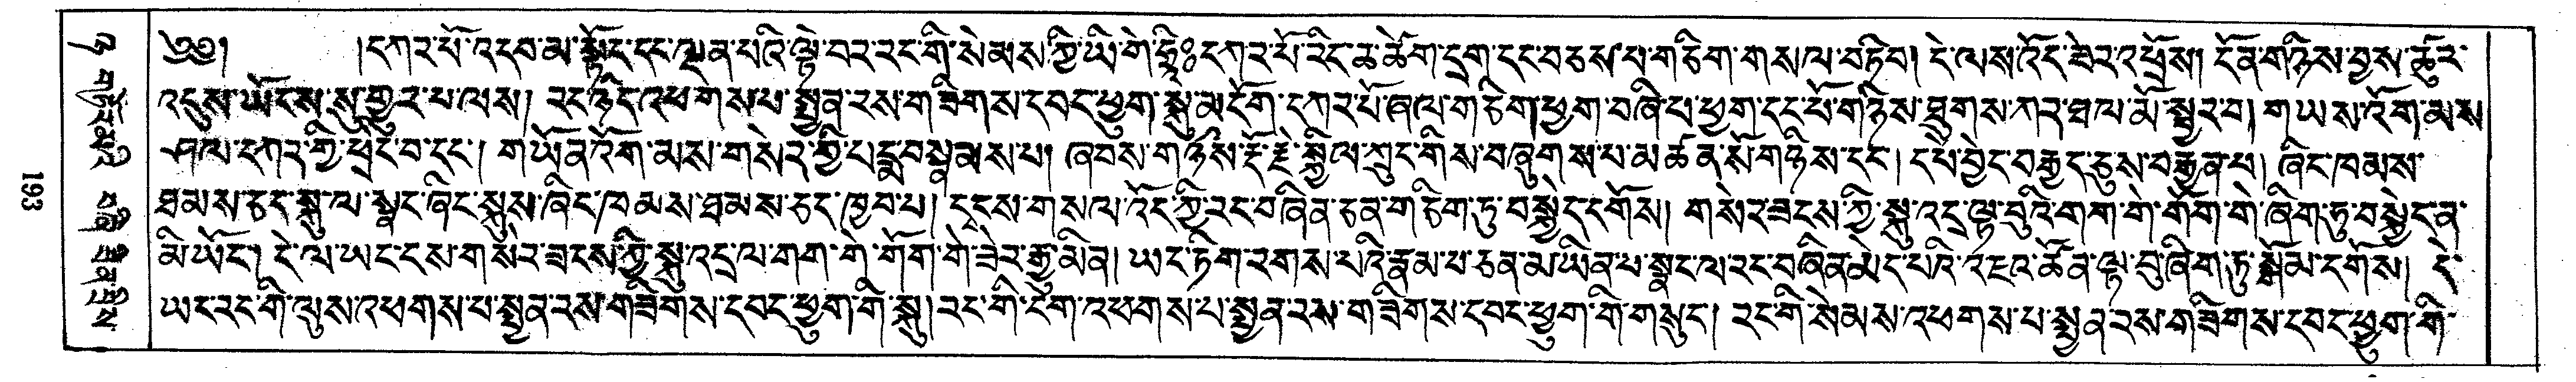༄༅། །དཀར་པོ་འདབ་མ་སྟོང་དང་ལྡན་པའི་ལྟེ་བར་རང་གི་སེམས་ཀྱི་ཡི་གེ་ཧྲཱིཿདཀར་པོ་རིང་ཆ་ཚེག་དྲག་དང་བཅས་པ་གཅིག་གསལ་བཏབ། དེ་ལས་འོད་ཟེར་འཕྲོས། དོན་གཉིས་བྱས་ཚུར་
འདུས་ཡོངས་སུ་གྱུར་པ་ལས། རང་ཉིད་འཕགས་པ་སྤྱན་རས་གཟིགས་དབང་ཕྱུག་སྐུ་མདོག་དཀར་པོ་ཞལ་གཅིག་ཕྱག་བཞི་པ་ཕྱག་དང་པོ་གཉིས་ཐུགས་ཀར་ཐལ་མོ་སྦྱར་བ། གཡས་འོག་མས་
ཤེལ་དཀར་གྱི་ཕྲེང་བ་དང་། གཡོན་འོག་མས་གསེར་གྱི་པདམ་བསྣམས་པ། ཞབས་གཉིས་རྡོ་རྗེ་སྐྱིལ་ཀྲུང་གིས་བཞུགས་པ་མཚན་སོ་གཉིས་དང་། དཔེ་བྱང་བརྒྱད་ཅུས་བརྒྱན་པ། ཞིང་ཁམས་
ཐམས་ཅད་སྐུ་ལ་སྣང་ཞིང་སྐུས་ཞིང་ཁམས་ཐམས་ཅད་ཁྱབ་པ། དྭངས་གསལ་འོད་ཀྱི་རང་བཞིན་ཅན་གཅིག་ཏུ་བསྐྱེད་དགོས། གསེར་ཟངས་ཀྱི་སྐུ་འདྲ་ལྟ་བུའི་གག་གེ་གོག་གེ་ཞིག་ཏུ་བསྐྱེད་ན་
མི་ཡོང་། དེ་ལ་ཡང་ངས་གསེར་ཟངས་ཀྱི་སྐུ་འདྲ་ལ་གག་གེ་གོག་གེ་ཟེར་རྒྱུ་མིན། ཡང་ཏིག་རགས་པའི་རྣམ་པ་ཅན་མ་ཡིན་པ་སྣང་ལ་རང་བཞིན་མེད་པའི་འཇའ་ཚོན་ལྟ་བུ་ཞིག་ཏུ་སྒོམ་དགོས། དེ་
ཡང་རང་གི་ལུས་འཕགས་པ་སྤྱན་རས་གཟིགས་དབང་ཕྱུག་གི་སྐུ། རང་གི་ངག་འཕགས་པ་སྤྱན་རས་གཟིགས་དབང་ཕྱུག་གི་གསུང་། རང་གི་སེམས་འཕགས་པ་སྤྱན་རས་གཟིགས་དབང་ཕྱུག་གི་